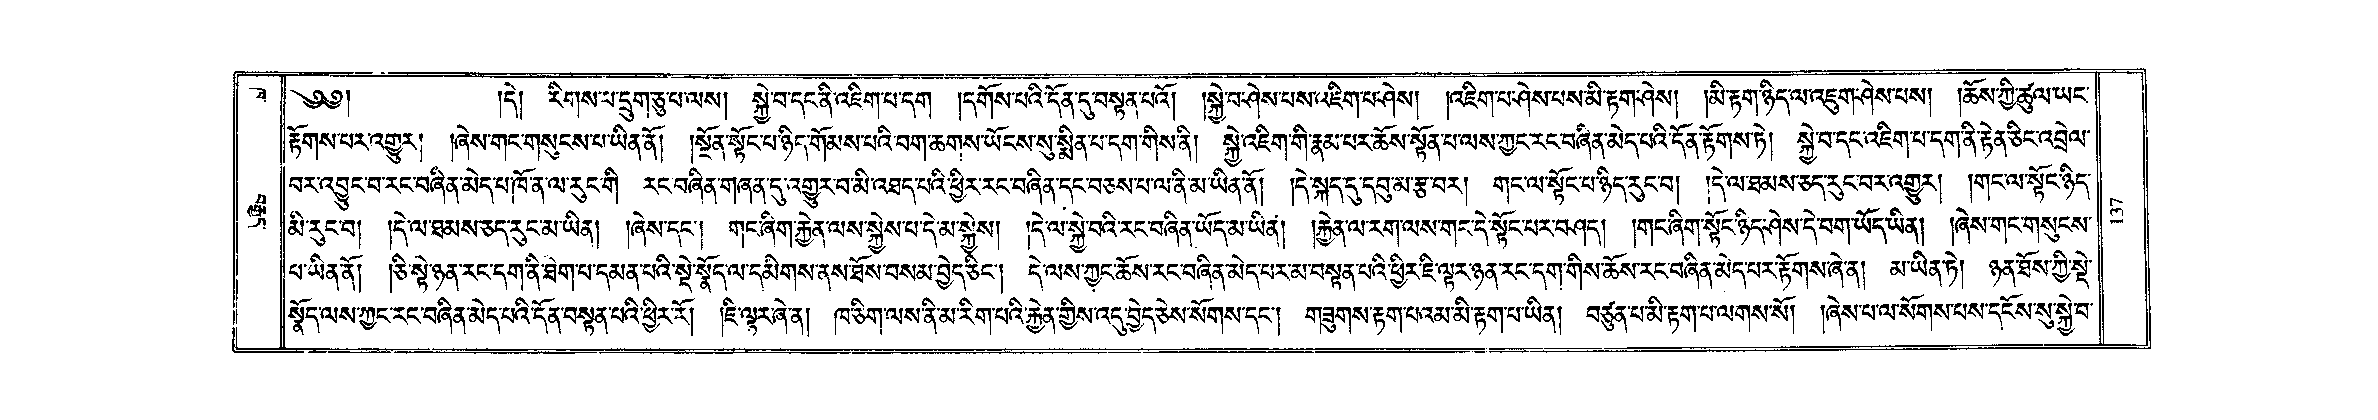༄༅། །དེ། རིགས་པ་དྲུག་ཅུ་པ་ལས། སྐྱེ་བ་དང་ནི་འཇིག་པ་དག །དགོས་པའི་དོན་དུ་བསྟན་པའོ། །སྐྱེ་བ་ཤེས་པས་འཇིག་པ་ཤེས། །འཇིག་པ་ཤེས་པས་མི་རྟག་ཤེས། །མི་རྟག་ཉིད་ལ་འཇུག་ཤེས་པས། །ཆོས་ཀྱི་ཚུལ་ཡང་
རྟོགས་པར་འགྱུར། །ཞེས་གང་གསུངས་པ་ཡིན་ནོ། །སྔོན་སྟོང་པ་ཉིད་གོམས་པའི་བག་ཆགས་ཡོངས་སུ་སྨིན་པ་དག་གིས་ནི། སྐྱེ་འཇིག་གི་རྣམ་པར་ཆོས་སྟོན་པ་ལས་ཀྱང་རང་བཞིན་མེད་པའི་དོན་རྟོགས་ཏེ། སྐྱེ་བ་དང་འཇིག་པ་དག་ནི་རྟེན་ཅིང་འབྲེལ་
བར་འབྱུང་བ་རང་བཞིན་མེད་པ་ཁོ་ན་ལ་རུང་གི་རང་བཞིན་གཞན་དུ་འགྱུར་བ་མི་འཐད་པའི་ཕྱིར་རང་བཞིན་དང་བཅས་པ་ལ་ནི་མ་ཡིན་ནོ། །དེ་སྐད་དུ་དབུ་མ་རྩ་བར། གང་ལ་སྟོང་པ་ཉིད་རུང་བ། །དེ་ལ་ཐམས་ཅད་རུང་བར་འགྱུར། །གང་ལ་སྟོང་ཉིད་
མི་རུང་བ། །དེ་ལ་ཐམས་ཅད་རུང་མ་ཡིན། །ཞེས་དང་། གང་ཞིག་རྐྱེན་ལས་སྐྱེས་པ་དེ་མ་སྐྱེས། །དེ་ལ་སྐྱེ་བའི་རང་བཞིན་ཡོད་མ་ཡིན། །རྐྱེན་ལ་རག་ལས་གང་དེ་སྟོང་པར་བཤད། །གང་ཞིག་སྟོང་ཉིད་ཤེས་དེ་བག་ཡོད་ཡིན། །ཞེས་གང་གསུངས་
པ་ཡིན་ནོ། །ཅི་སྟེ་ཉན་རང་དག་ནི་ཐེག་པ་དམན་པའི་སྡེ་སྣོད་ལ་དམིགས་ནས་ཐོས་བསམ་བྱེད་ཅིང་། དེ་ལས་ཀྱང་ཆོས་རང་བཞིན་མེད་པར་མ་བསྟན་པའི་ཕྱིར་ཇི་ལྟར་ཉན་རང་དག་གིས་ཆོས་རང་བཞིན་མེད་པར་རྟོགས་ཞེ་ན། མ་ཡིན་ཏེ། ཉན་ཐོས་ཀྱི་སྡེ་
སྣོད་ལས་ཀྱང་རང་བཞིན་མེད་པའི་དོན་བསྟན་པའི་ཕྱིར་རོ། །ཇི་ལྟར་ཞེ་ན། ཁ་ཅིག་ལས་ནི་མ་རིག་པའི་རྐྱེན་གྱིས་འདུ་བྱེད་ཅེས་སོགས་དང་། གཟུགས་རྟག་པའམ་མི་རྟག་པ་ཡིན། བཙུན་པ་མི་རྟག་པ་ལགས་སོ། །ཞེས་པ་ལ་སོགས་པས་དངོས་སུ་སྐྱེ་བ་